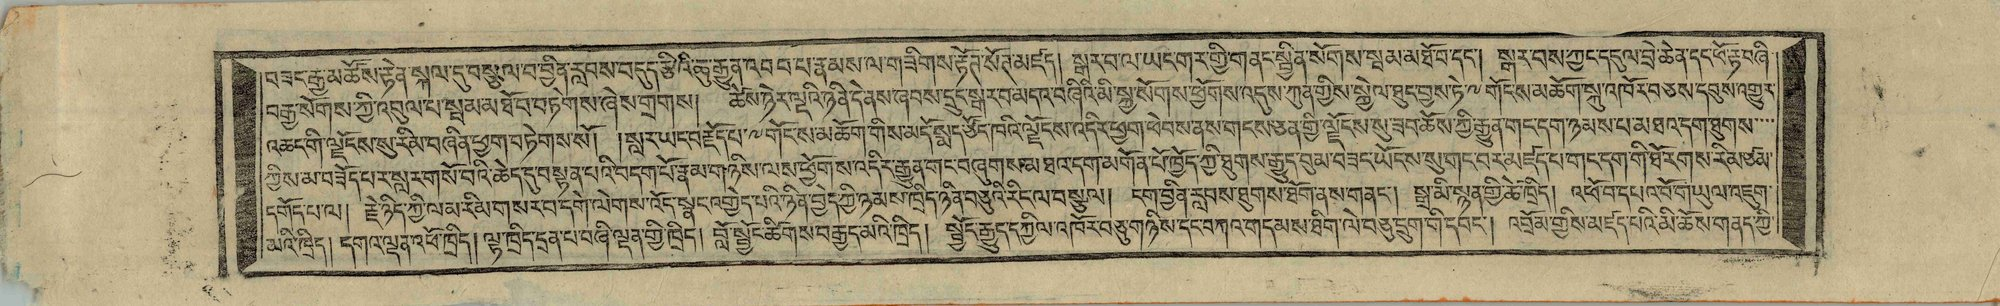བཟང་རྒྱ་མཚོས་རྟེན་སྐལ་དུ་བསྩལ་བ་བྱིན་རླབས་བདུད་རྩིའི་ཆུ་རྒྱུན་འབབ་པ་རྣམས་ལ་གཟིགས་རྟོགས་སོགས་མཛད། སྒར་བ་ལ་ཡང་གར་གྱི་གནང་སྦྱིན་སོགས་སྦམ་མཐོ་བ་དང་། སྒར་བས་ཀྱང་དངུལ་བྲེ་ཆེན་དང་ཕོ་རྟ་བཞི་
བརྒྱ་སོགས་ཀྱི་འབུལ་པ་སྦམ་མཐོ་བ་བཏེགས་ཞེས་གྲགས། ཚེས་ཉེར་ལྔའི་ཉིན་དེ་ནས་ཞབས་དྲུང་སྒར་བ་མདའ་བཞིའི་མི་སྐྱ་སོགས་ཕྱོགས་འདུས་ཀུན་གྱིས་སྐྱེལ་ཐུང་བྱས་ཏེ་༧གོང་ས་མཆོག་སྐུ་འཁོར་བཅས་དབུས་འགྱུར་
འཆང་གི་ལྗོངས་སུ་རིམ་བཞིན་ཕྱག་བཏེགས་སོ། །སླར་ཡང་བརྗོད་པ་༧གོང་ས་མཆོག་གིས་མདོ་སྨད་ཙོང་ཁའི་ལྗོངས་འདིར་ཕྱག་ཕེབས་ནས་གངས་ཅན་གྱི་ལྗོངས་སུ་ཟབ་ཆོས་ཀྱི་རྒྱུན་གང་དག་ཉམས་པ་མཐའ་དག་ཐུགས་
ཀྱིས་མ་བཟོད་པར་སླར་གསོ་བའི་ཆེད་དུ་བསྟན་པའི་བདག་པོ་རྣམ་གཉིས་ལས་ཕྱོགས་འདིར་རྒྱུན་གང་བཞུགས་མཐའ་དག་མགོན་པོ་ཁྱོད་ཀྱི་ཐུགས་རྒྱུད་བུམ་བཟང་ཡོངས་སུ་གང་བར་མཛད་པ་གང་དག་གི་ཐོ་རགས་རིམ་ཙམ་
དགོད་པ་ལ། རྗེ་ཉིད་ཀྱི་ལམ་རིམ་གསར་བ་དགེ་ལེགས་འོད་སྣང་འགྱེད་པའི་ཉིན་བྱེད་ཀྱི་ཉམས་ཁྲིད་ཉིན་བཅུའི་རིང་ལ་བསྩལ། ངག་བྱིན་རླབས་ཐུགས་ཐོག་ནས་གནང་། སྒྲ་མི་སྙན་གྱི་ཚེ་ཁྲིད། འཕོ་བ་དཔའ་བོ་གཡུལ་འཇུག་
མའི་ཁྲིད། དགའ་ལྡན་འཕོ་ཁྲིད། ལྟ་ཁྲིད་དྲན་པ་བཞི་ལྡན་གྱི་ཁྲིད། བློ་སྦྱོང་ཚིགས་བརྒྱད་མའི་ཁྲིད། སྦྱོང་རྒྱུད་དཀྱིལ་འཁོར་བཅུ་གཉིས་དང་བཀའ་གདམས་ཐིག་ལེ་བཅུ་དྲུག་གི་དབང་། འབྲོམ་གྱིས་མཛད་པའི་མི་ཆོས་གནད་ཀྱི་
༄༅༅༅༄༅༅༅